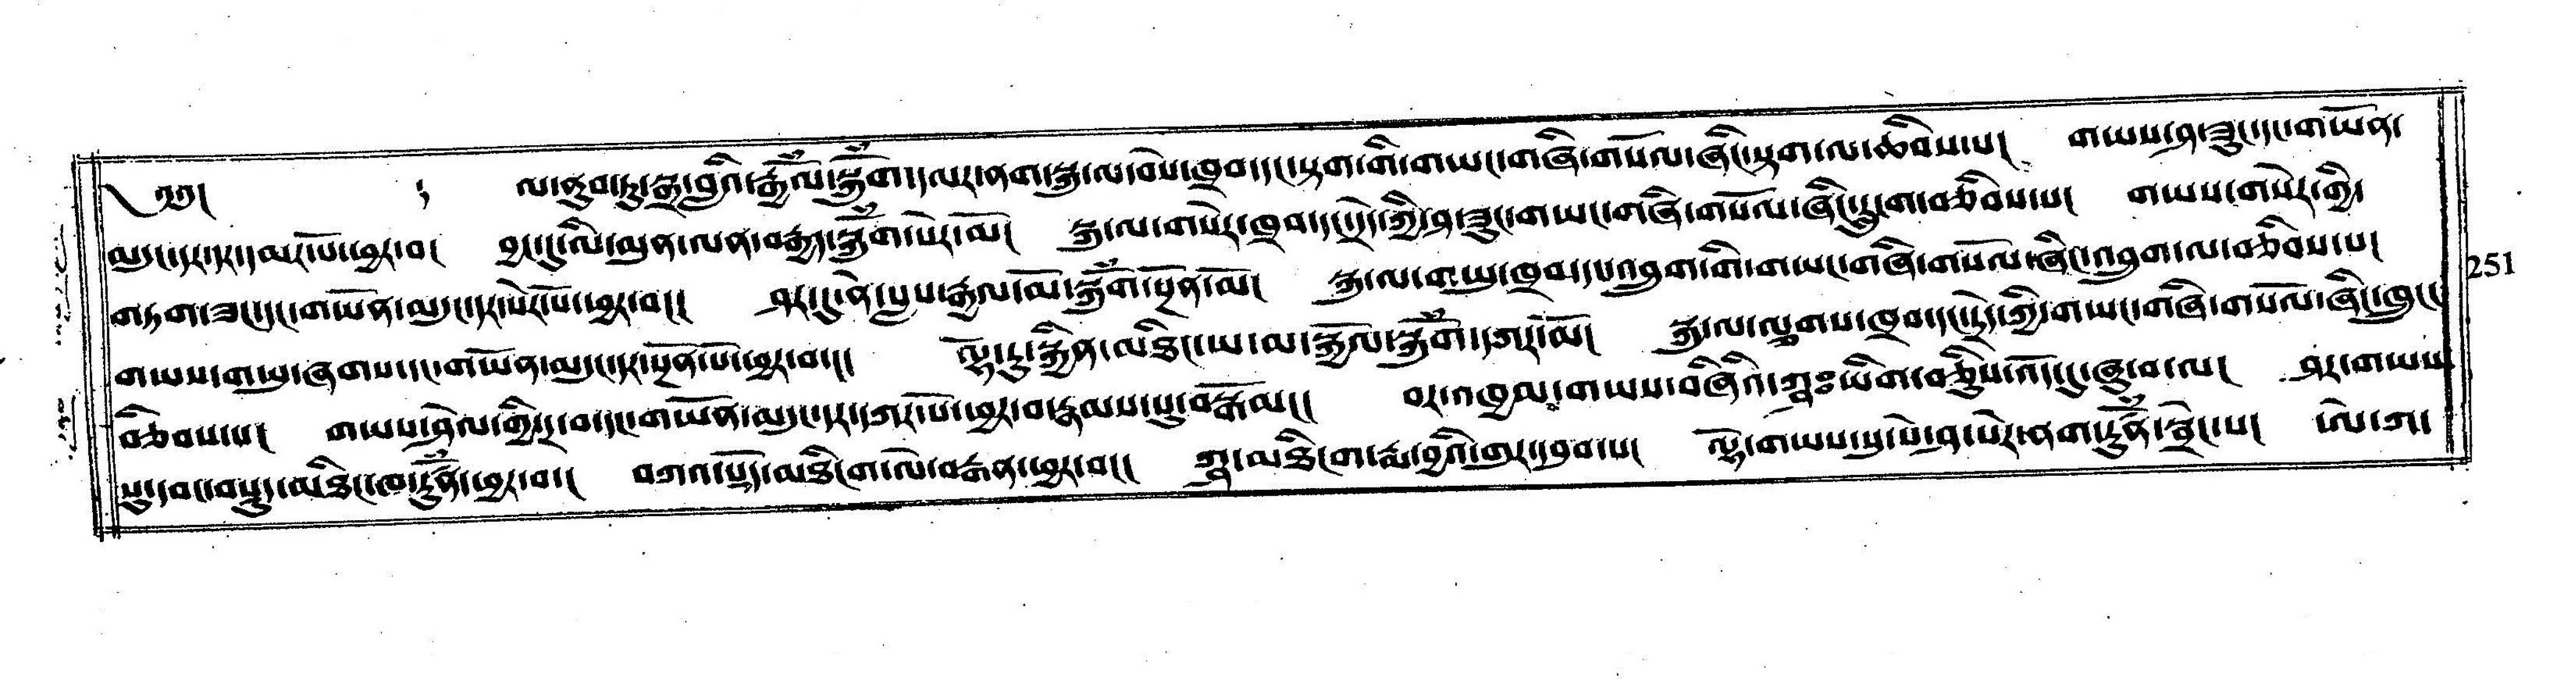ལ་ནུབ་ཏུ་སྒྲ་བླའི་རྒྱལ་མོ་སྐུ་མདོག་དམར་ནག་སྐུ་ལ་བསེ་ཁྲབ་དང་སྟག་གི་གཡང་གཞི་གསོལ་ཞིང་སྟག་ལ་ཆིབས་པ། གཡས་ཤ་ཟུང་དང་གཡོན་
མདུང་དར་དར་དམར་པོ་ཕྱར་བ། བྱང་དུ་ལི་མུན་ལན་བརྒྱད་སྐུ་མདོག་སེར་མོ། སྐུ་ལ་གསེར་ཁྲབ་དང་དྲེད་ཀྱི་ཤ་ཟུང་གཡང་གཞི་གསོལ་ཞིང་རླུང་ནག་བཅིབས་པ། གཡས་གསེར་གྱི་
གཏག་ཟང་དང་གཡོན་མདུང་དར་སེར་པོ་ཕྱར་བ།། ཤར་དུ་ནེ་སླས་རྒྱལ་མོ་སྐུ་མདོག་སྔོན་མོ། སྐུ་ལ་གཡུ་ཁྲབ་དང་འབྲུག་གི་གཡང་གཞི་གསོལ་ཞིང་འབྲུག་ལ་བཅིབས་པ། 
གཡས་གཡུ་ཞགས་དང་གཡོན་མདུང་དར་སྔོན་པོ་ཕྱར་བ།། ལྷོ་རུ་སྐྱིན་མཐིང་ཡ་མ་སྐྱོལ་སྐུ་མདོག་དཀར་མོ། སྐུ་ལ་ལྕགས་ཁྲབ་དང་དྲེད་ཀྱི་གཡང་གཞི་གསོལ་ཞིང་ཁྲུང་ཁྲུང་
བཅིབས་པ། གཡས་ཤེལ་གྱི་དྲ་བ་དང་གཡོན་མདུང་དར་དཀར་པོ་ཕྱར་བ་རྣམས་སུ་བསྒོམ།། བར་འཁྱམས་གཡས་བཞིའི་ཀྴཿཡིག་བཅུ་གཉིས་འོད་དུ་ཞུ་བ་ལ། ཤར་གཡས་
སུ་དབང་བསྡུད་མཐིང་ཁ་ཏུ་མཚོན་ཕྱར་བ། བཀའ་སྡོད་མཐིང་ནག་ལེ་བརྒན་ཕྱར་བ།། ཀྴ་མཐིང་ནག་རྨ་བྱའི་གུར་དབུབ་པ། ལྷོ་གཡས་སུ་པེ་ཤ་སེར་ནག་ཏུ་མཚོན་སྦྲེང་པ། ཨེ་ཀ་